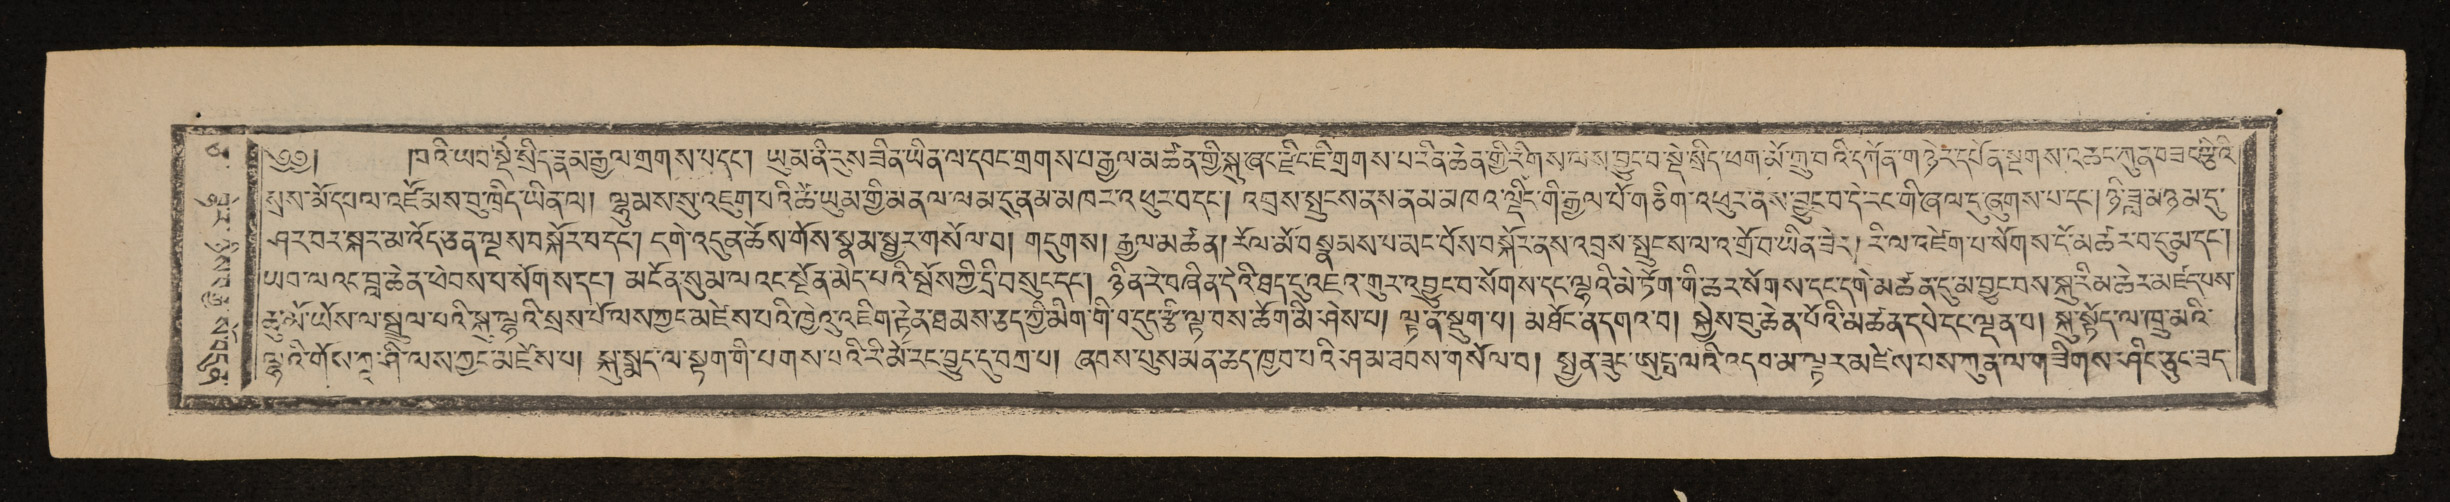༄༅། །བའི་ཡབ་སྡེ་སྲིད་རྣམ་རྒྱལ་གྲགས་པ་དང་། ཡུམ་ནི་རུས་ཟིན་ཡིན་ལ་དབང་གྲགས་པ་རྒྱལ་མཚན་གྱི་སྐུ་ཞང་རྫིང་ཇི་གྲགས་པ་རིན་ཆེན་གྱི་རིགས་ལས་བྱུང་བ་སྡེ་སྲིད་ཕག་མོ་གྲུ་བའི་དཀོན་གཉེར་དཔོན་སྔགས་འཆང་ཀུན་བཟང་རྩེའི་
སྲས་མོ་དཔལ་འཛོམས་བུ་ཁྲིད་ཡིན་ལ། ལྷུམས་སུ་འཇུག་པའི་ཚེ་ཡུམ་གྱི་མནལ་ལམ་དུ་ནམ་མཁར་འཕུར་བ་དང་། འབྲས་སྤུངས་ནས་ནམ་མཁའ་ལྡིང་གི་རྒྱལ་པོ་གཅིག་འཕུར་ནས་བྱུང་བ་དེ་རང་གི་ཞལ་དུ་ཞུགས་པ་དང་། ཉི་ཟླ་མཉམ་དུ་
ཤར་བར་སྐར་མ་འོད་ཅན་ལྔས་བསྐོར་བ་དང་། དགེ་འདུན་ཆོས་གོས་སྣམ་སྦྱར་གསོལ་བ། གདུགས། རྒྱལ་མཚན། རོལ་མོ་བསྣམས་པ་མང་པོས་བསྐོར་ནས་འབྲས་སྤུངས་ལ་འགྲོ་བ་ཡིན་ཟེར། རི་ལ་འཛེག་པ་སོགས་ངོ་མཚར་བ་དུ་མ་དང་།
ཡབ་ལའང་བླ་ཆེན་ཕེབས་པ་སོགས་དང་། མངོན་སུམ་ལའང་སྔོན་མེད་པའི་སྦོས་ཀྱི་དྲི་བསུང་དང་། ཉིན་རེ་བཞིན་དེའི་ཐད་དུ་འཇའ་གུར་འབྱུང་བ་སོགས་དང་ལྷའི་མེ་ཏོག་གི་ཆར་སོགས་དང་དགེ་མཚན་དུ་མ་བྱུང་བས་སྐུ་རིམ་ཆེར་མཛད་པས་
ཆུ་མོ་ཡོས་ལ་སྤྲུལ་པའི་སྐུ་ལྷའི་སྲས་པོ་ལས་ཀྱང་མཛེས་པའི་ཁྱེའུ་འཇིག་རྟེན་ཐམས་ཅད་ཀྱི་མིག་གི་བདུད་རྩི་ལྟ་བས་ཆོག་མི་ཤེས་པ། ལྟ་ན་སྡུག་པ། མཐོང་ན་དགའ་བ། སྐྱེས་བུ་ཆེན་པོའི་མཚན་དཔེ་དང་ལྡན་པ། སྐུ་སྟོད་ལ་ཁྲུ་མའི་
ལྷའི་གོས་ཀཱ་ཤི་ལས་ཀྱང་མཛེས་པ། སྐུ་སྨད་ལ་སྟག་གི་པགས་པའི་རི་མོ་རང་བྱུང་དུ་བཀྲ་བ། ཞབས་བུས་མན་ཆད་ཁྱབ་པའི་ཤམ་ཐབས་གསོལ་བ། སྤྱན་ཟུང་ཨུཏྤ་ལའི་འདབ་མ་ལྟར་མཛེས་པས་ཀུན་ལ་གཟིགས་ཤིང་ཅུང་ཟད་